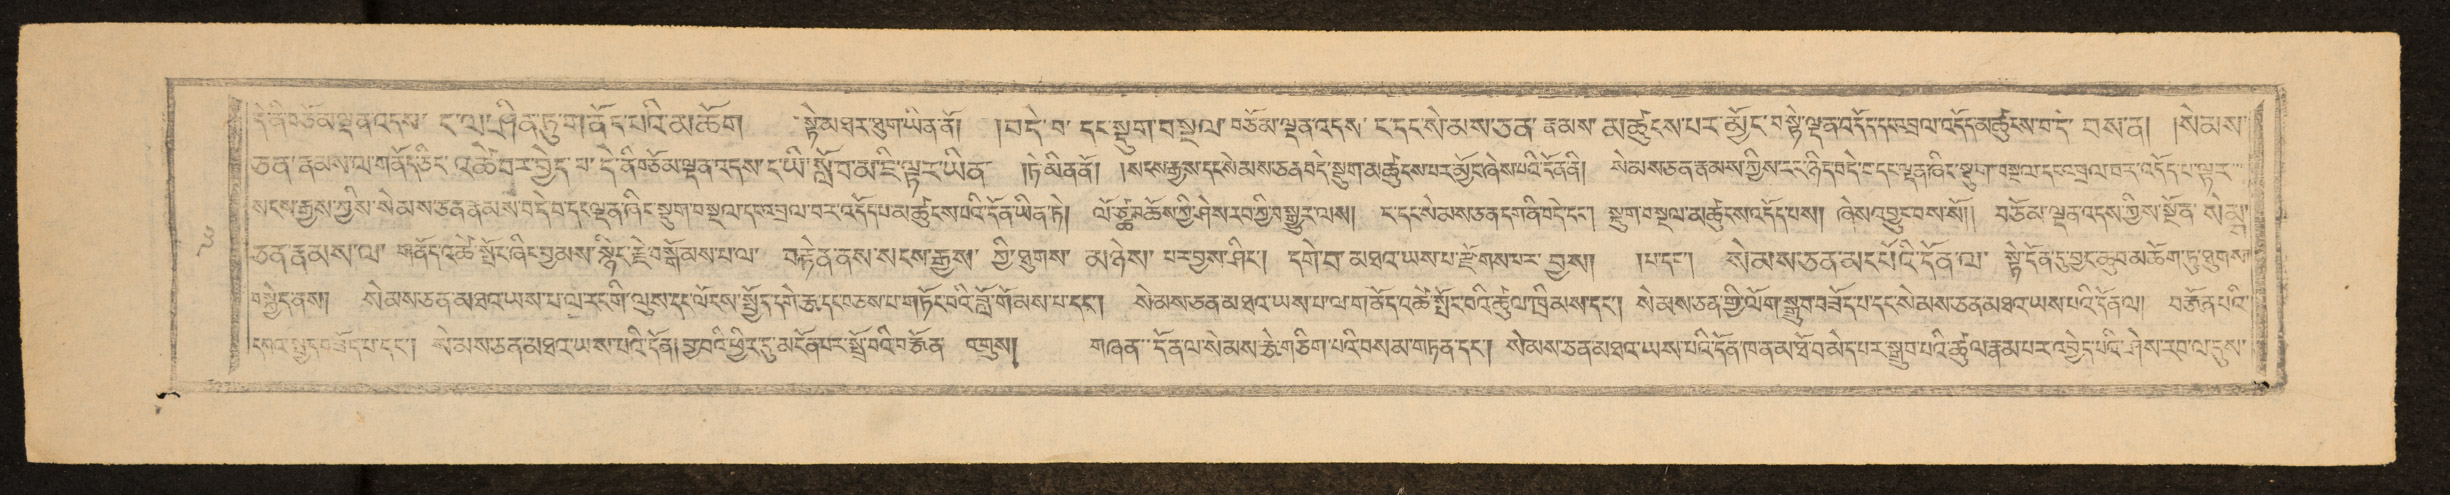དེ་ནི་བཅོམ་ལྡན་འདས་ང་ལ་ཤིན་ཏུ་གནོད་པའི་མཆོག་སྟེ་མཐར་ཐུག་ཡིན་ནོ། །བདེ་བ་དང་སྡུག་བསྔལ་བཅོམ་ལྡན་འདས་ང་དང་སེམས་ཅན་རྣམས་མཚུངས་པར་མྱོང་བ་སྟེ་ལྡན་འདོད་དང་འབྲལ་འདོད་མཚུངས་བདེ་བས་ན། །སེམས་
ཅན་རྣམས་ལ་གནོད་ཅིང་འཚེ་བར་བྱེད་པ་དེ་ནི་བཅོམ་ལྡན་འདས་ང་ཡི་སློབ་མ་ཇི་ལྟར་ཡིན་ཏེ་མིན་ནོ། །སངས་རྒྱས་དང་སེམས་ཅན་བདེ་སྡུག་མཚུངས་བར་མྱོང་ཞེས་པའི་དོན་ནི། སེམས་ཅན་རྣམས་ཀྱིས་རང་ཉིད་བདེ་བ་དང་ལྡན་ཞིང་སྡུང་། བསྔལ་དང་འབྲལ་བར་འདོད་པ་ལྟར་
སངས་རྒྱས་ཀྱིས་སེམས་ཅན་རྣམས་བདེ་བ་དང་ལྡན་ཞིང་སྡུག་བསྔལ་དང་འབྲལ་བར་འདོད་པ་མཚུངས་བའི་དོན་ཡིན་ཏེ། ལོ་ཙྪ་བ་ཆོས་ཀྱི་ཤེས་རབ་ཀྱི་བསྒྱུར་ལས། ང་དང་སེམས་ཅན་དག་ནི་བདེ་དང་། སྡུག་བསྔལ་མཚུངས་འདོད་པས། ཞེས་འབྱུང་བས་སོ།། བཅོམ་ལྡན་འདས་ཀྱིས་སྔོན་སེམས་
ཅན་རྣམས་ལ་གནོད་འཚེ་སྤོང་ཞིང་བྱམས་སྙིང་རྗེ་བསྒོམས་པ་ལ་བརྟེན་ནས་སངས་རྒྱས་ཀྱི་ཐུགས་མཉེས་པར་བྱས་ཤིང་། དགེ་བ་མཐའ་ཡས་པ་རྫོགས་པར་བྱས། །པ་དང་། སེམས་ཅན་མང་པོའི་དོན་ལ་སྟེ་དོན་དུ་བྱང་ཆུབ་མཆོག་ཏུ་ཐུགས་
བསྐྱེད་ནས། སེམས་ཅན་མཐའ་ཡས་པ་ལ་རང་གི་ལུས་དང་ལོངས་སྤྱོད་དགེ་རྩ་དང་བཅས་པ་གཏོང་བའི་བློ་གོམས་པ་དང་། སེམས་ཅན་མཐའ་ཡས་པ་ལ་གནོད་འཚེ་སྤོང་བའི་ཚུལ་ཁྲིམས་དང་། སེམས་ཅན་གྱི་ལོག་སྒྲུབ་བཟོད་པ་དང་སེམས་ཅན་མཐའ་ཡས་པའི་དོན་ལ། བརྩོན་པའི་
དཀའ་སྤྱད་བཟོད་པ་དང་། སེམས་ཅན་མཐའ་ཡས་པའི་དོན། བྱ་བའི་ཕྱིར་དུ་མངོན་པར་སྤྲོ་བའི་བརྩོན་འགྲུས། གཞན་དོན་ལ་སེམས་རྩེ་གཅིག་པའི་བསམ་གཏན་དང་། སེམས་ཅན་མཐའ་ཡས་པའི་དོན་ཁ་ན་མཐོ་བ་མེད་པར་སྒྲུབ་པའི་ཚུལ་རྣམ་པར་འབྱེད་པའི་ཤེས་རབ་ལ་དུས་